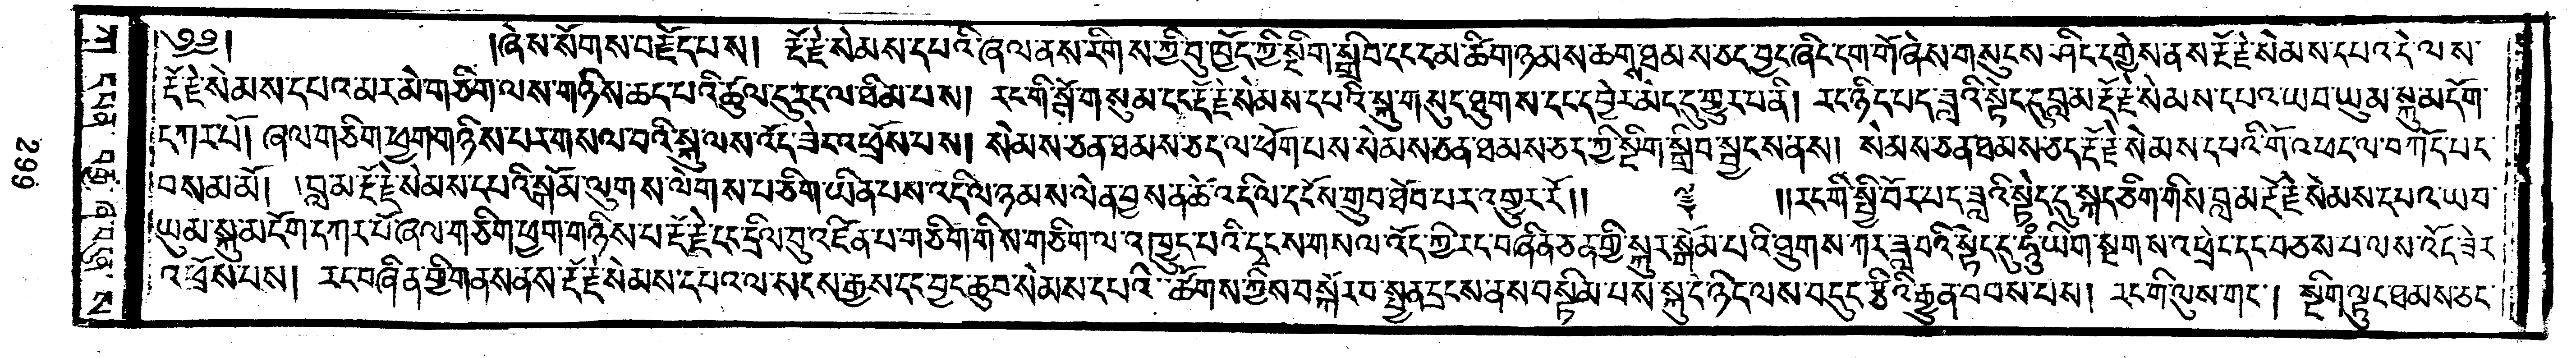༄༅། །ཞེས་སོགས་བརྗོད་པས། རྡོ་རྗེ་སེམས་དཔའི་ཞལ་ནས་རིགས་ཀྱི་བུ་ཁྱོད་ཀྱི་སྡིག་སྒྲིབ་དང་དམ་ཚིག་ཉམས་ཆགས་ཐམས་ཅད་བྱང་ཞིང་དག་གོ་ཞེས་གསུངས་ཤིང་དགྱེས་ནས་རྡོ་རྗེ་སེམས་དཔའ་དེ་ལས་
རྡོ་རྗེ་སེམས་དཔའ་མར་མེ་གཅིག་ལས་གཉིས་ཆད་པའི་ཚུལ་དུ་རང་ལ་ཐིམ་པས། རང་གི་སྒོ་གསུམ་དང་རྡོ་རྗེ་སེམས་དཔའི་སྐུ་གསུང་ཐུགས་དང་དབྱེར་མེད་དུ་གྱུར་པ་ནི། རང་ཉིད་པད་ཟླའི་སྟེང་དུ་བླ་མ་རྡོ་རྗེ་སེམས་དཔའ་ཡབ་ཡུམ་སྐུ་མདོག་
དཀར་པོ། ཞལ་གཅིག་ཕྱག་གཉིས་པར་གསལ་བའི་སྐུ་ལས་འོད་ཟེར་འཕྲོས་པས། སེམས་ཅན་ཐམས་ཅད་ལ་ཕོག་པས་སེམས་ཅན་ཐམས་ཅད་ཀྱི་སྡིག་སྒྲིབ་སྦྱངས་ནས། སེམས་ཅན་ཐམས་ཅད་རྡོ་རྗེ་སེམས་དཔའི་གོ་འཕང་ལ་བཀོད་པད་
བསམ་མོ། །བླ་མ་རྡོ་རྗེ་སེམས་དཔའི་སྒོམ་ལུགས་ལེགས་པ་ཅིག་ཡིན་པས་འདི་ལ་ཉམས་ལེན་བྱས་ན་ཚེ་འདི་ལ་དངོས་གྲུབ་ཐོབ་པར་འགྱུར་རོ།། ༈ །།རང་གི་སྤྱི་བོར་པར་ཟླའི་སྟེང་དུ་སྐད་ཅིག་གིས་བླ་མ་རྡོ་རྗེ་སེམས་དཔའ་ཡབ་
ཡུམ་སྐུ་མདོག་དཀར་པོ་ཞལ་གཅིག་ཕྱག་གཉིས་པ་རྡོ་རྗེ་དང་དྲིལ་བུ་འཛིན་པ་གཅིག་གིས་གཅིག་ལ་འཁྱུད་པའི་དྭངས་གསལ་འོད་ཀྱི་རང་བཞིན་ཅན་གྱི་སྐུར་སྒོམ་པའི་ཐུགས་ཀར་ཟླ་བའི་སྟེང་དུ་ཧཱུཾ་ཡིག་སྔགས་འཕྲེང་དང་བཅས་པ་ལས་འོད་ཟེར་
འཕྲོས་པས། རང་བཞིན་གྱི་གནས་ནས་རྡོ་རྗེ་སེམས་དཔའ་ལ་སངས་རྒྱས་དང་བྱང་ཆུབ་སེམས་དཔའི་ཚོགས་ཀྱིས་བསྐོར་བ་སྤྱན་དྲངས་ནས་བསྟིམ་པ་ས་སྐུ་དེ་ཉིད་ལས་བདུད་རྩིའི་རྒྱུན་བབས་པས། རང་གི་ལུས་གང་། སྡིག་ལྟུང་ཐམས་ཅད་